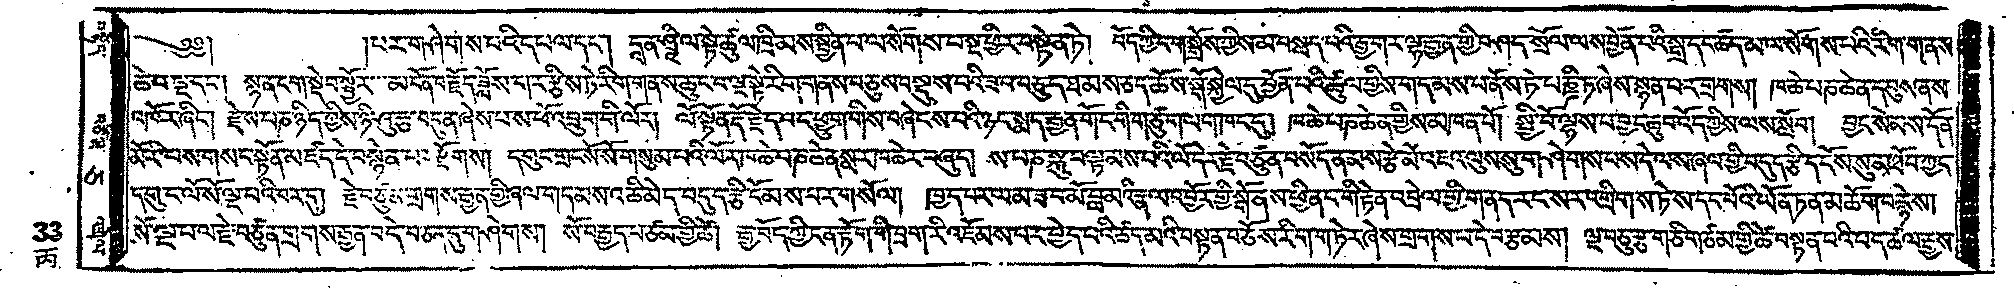༄༅། །པར་གཤེགས་པའི་དཔལ་དང་། དཱ་ན་ཤྲཱི་ལ་སྟེ་ཚུལ་ཁྲིམས་སྦྱིན་པ་ལ་སོགས་པ་སྔ་ཕྱིར་བསྟེན་ཏེ། བོད་ཀྱི་ངག་སྒྲོས་ཀྱིས་མ་བསླད་པའི་རྒྱ་གར་ལྷ་རྒྱན་གྱི་བཤད་སྲོལ་ལས་བྱོན་པའི་སྒྲ་དང་ཚད་མ་ལ་སོགས་པའི་རིག་གནས་
ཆེ་བ་ལྔ་དང་། སྙན་ངག་སྡེབ་སྦྱོར་མངོན་བརྗོད་ཟློས་གར་རྩིས་ཏེ་རིག་གནས་ཆུང་བ་ལྔ་སྟེ་རིག་གནས་བཅུས་བསྡུས་པའི་ཟབ་བཅུད་ཐམས་ཅད་ཆོས་སྒོ་སྐྱེལ་དུ་བྱོན་པའི་ཚུལ་གྱིས་གདམས་པ་ནོས་ཏེ་པཎྜི་ཏ་ཞེས་སྙན་པར་གྲགས། ཁ་ཆེ་པཎ་ཆེན་དབུས་ནས་
འཁོར་ཞིང་། རྗེ་ས་པཎ་ཉིད་ཀྱིས་ཉི་ཤུ་རྩ་བདུན་ཞེས་པ་ས་ཕོ་འབྲུག་གི་ལོར། ལོ་སྟོན་རྡོ་རྗེ་དབང་ཕྱུག་གིས་བཞེངས་པའི་ཉང་སྨད་རྒྱན་གོང་གི་གཙུག་ལག་ཁང་དུ། ཁ་ཆེ་པཎ་ཆེན་གྱིས་མཁན་པོ། སྤྱི་བོ་ལྷས་པ་བྱང་ཆུབ་འོད་ཀྱིས་ལས་སློབ། བྱང་སེམས་དོན་
མོ་རི་པས་གསང་སྟོན་མཛད་དེ་བསྙེན་པར་རྫོགས། དགུང་གྲང་སོ་སོ་གསུམ་པའི་ལོར་ཁ་ཆེ་པཎ་ཆེན་སླར་ཁ་ཆེར་བཞུད། ས་པཎ་སྐུ་བལྟམས་པའི་ལོ་དེར་རྗེ་བཙུན་བསོད་ནམས་རྩེ་མོ་འཇའ་ལུས་སུ་གཤེགས་པས་དེ་ལས་ཞལ་གྱི་བདུད་རྩི་དངོས་སུ་མ་ཐོབ་ཀྱང་
དགུང་ལོ་སོ་ལྔ་པའི་བར་དུ། རྗེ་བཙུན་གྲགས་རྒྱན་གྱི་ཞལ་གདམས་འཆི་མེད་བདུད་རྩི་ངོམས་པར་གསོལ། ཁྱད་པར་ལམ་ཟབ་མོ་བླ་མའི་རྣལ་འབྱོར་གྱི་སྒོ་ནས་ཕྱི་ནང་གི་རྟེན་འབྲེལ་གྱི་གནད་རང་སར་འགྲིགས་ཏེ་ས་དང་པོའི་ཡོན་ཏན་མཆོག་བརྙེས།
སོ་ལྔ་པ་ལ་རྗེ་བཙུན་གྲགས་རྒྱན་བདེ་བ་ཅན་དུ་གཤེགས། སོ་བརྒྱད་པ་ཙམ་གྱི་ཚེ། རྒྱ་བོད་ཀྱི་ངན་རྟོག་གི་བྲག་རི་འཇོམས་པར་བྱེད་པའི་ཚད་མའི་བསྟན་བཅོས་རིག་གཏེར་ཞེས་གྲགས་པ་དེ་བརྩམས། ལྔ་བཅུ་རྩ་གཅིག་ཙམ་གྱི་ཚེ་བསྟན་པའི་པད་ཚལ་རྒྱས་